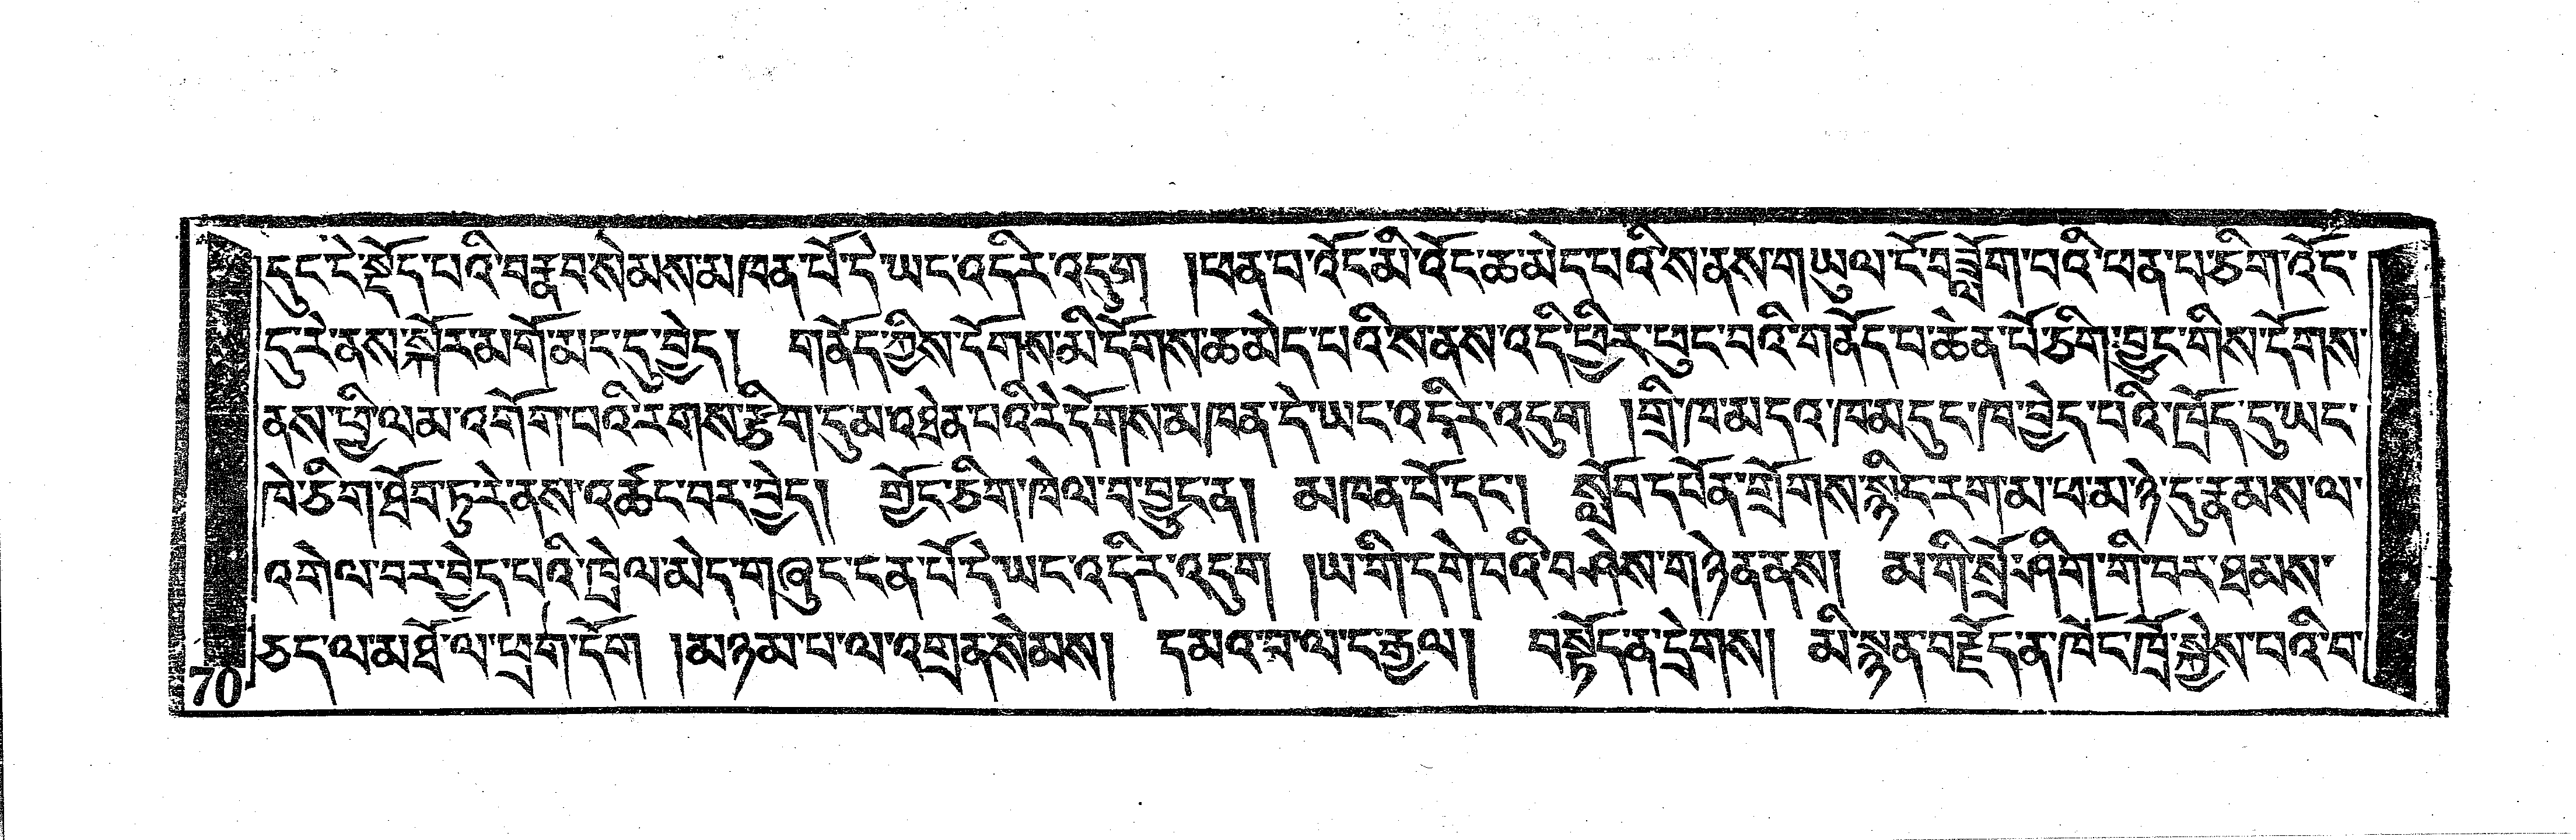དུང་ངེ་སྡོད་པའི་བརྣབ་སེམས་མཁན་པོ་དེ་ཡང་འདིར་འདུག །ཕན་པ་འོང་མི་འོང་ཆ་མེད་པའི་ས་ནས་གཡུལ་ངོ་བཟློག་པའི་ཕན་པ་ཅིག་འོང་
དུ་རེ་ནས་སྐོར་མགོ་མང་དུ་བྱེད། གནོད་ཀྱིས་དོགས་མི་དོགས་ཆ་མེད་པའི་ས་ནས་འདི་ཕྱིར་ཕུང་བའི་གནོད་པ་ཆེན་པོ་ཅིག་བྱུང་གིས་དོགས་
ནས་ཕྱི་ལམ་འགོག་པའི་རགས་རྩིག་དུ་མ་འཐེན་པའི་རེ་དོགས་མཁན་དེ་ཡང་འདིར་འདུག །གྲི་ཁ་མདའ་ཁ་མདུང་ཁ་བྱེད་པའི་ཁྲོད་དུ་ཡང་
ཁེ་ཅིག་ཐོབ་ཏུ་རེ་ནས་འཚང་བར་བྱེད། གྱོང་ཅིག་ཁེལ་བ་བྱུང་ན། མཁན་པོ་དང་། སློབ་དཔོན་གྲོགས་སྙིང་རག་མ་ཕ་མ་ཉེ་དུ་རྣམས་ལ་
འགེལ་བར་བྱེད་པའི་ཁྲེལ་མེད་གཞུང་ངན་པོ་དེ་ཡང་འདིར་འདུག །ཡ་གི་དགེ་བའི་བཤེས་གཉེན་ནས། མ་གི་སྲོ་ཤིག་གི་བར་ཐམས་
ཅད་ལ་མཐོ་ལ་ཕྲག་དོག །མཉམ་པ་ལ་འགྲན་སེམས། དམའ་བ་ལ་ང་རྒྱལ། བསྟོད་ན་དྲེགས། མི་སྙན་བརྗོད་ན་ཁོང་ཁྲོ་སྐྱེས་པའི་བ་